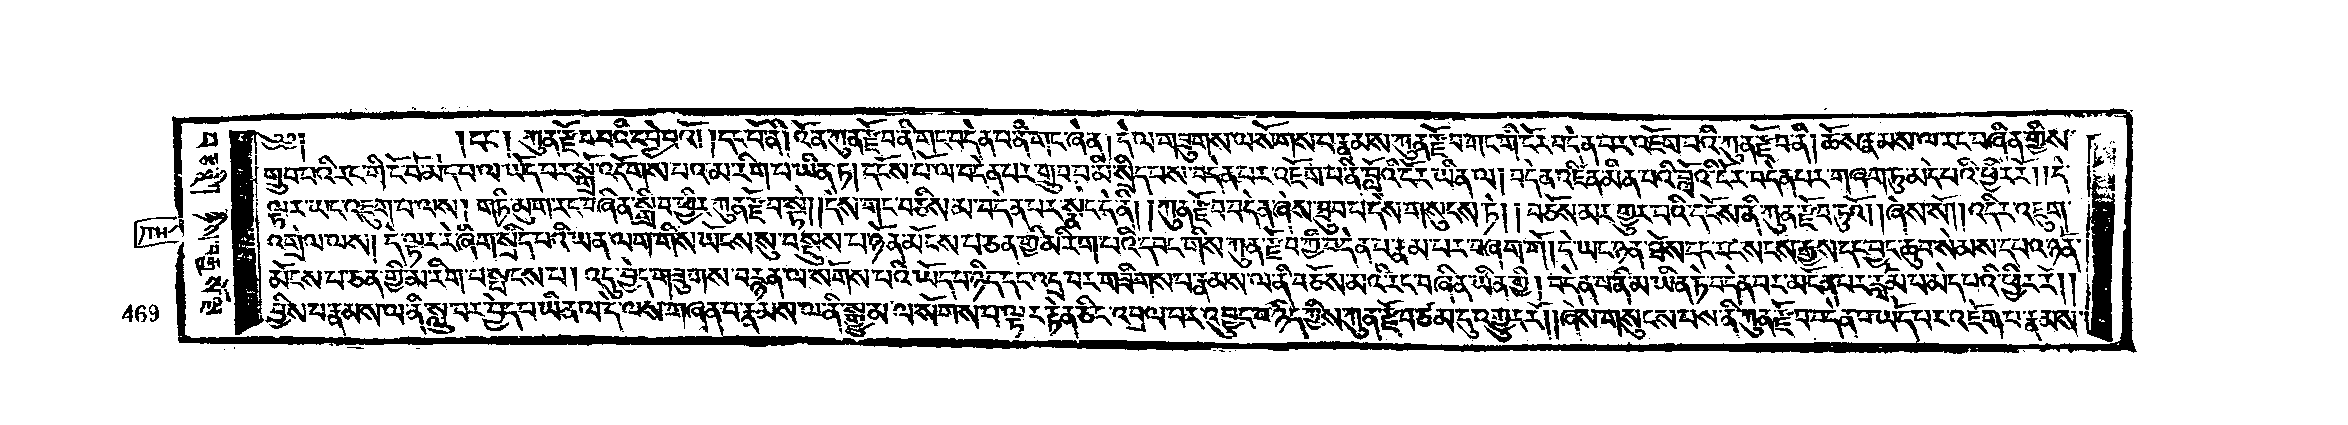༄༅། །དང་། ཀུན་རྫོབ་པའི་དབྱེ་བའོ། །དང་པོ་ནི། འོ་ན་ཀུན་རྫོབ་ནི་གང་བདེན་པ་ནི་གན་ཞེ་ན། དེ་ལ་གཟུགས་ལ་སོགས་པ་རྣམས་ཀུན་རྫོབ་གང་གི་ངོར་བདེན་པར་འཇོག་པའི་ཀུན་རྫོབ་ནི། ཆོས་རྣམས་ལ་རང་བཞིན་གྱིས་
གྲུབ་པའི་རང་གི་ངོ་བོ་མེད་པ་ལ་ཡོད་པར་སྒོ་འདོགས་པའི་མ་རིག་པ་ཡིན་ཏེ། དངོས་པོ་ལ་བདེན་པར་གྲུབ་པ་མི་སྲིད་པས་བདེན་པར་འཇོག་པ་ནི་བློའི་དོར་ཡིན་ལ། བདེན་འཛིན་མིན་པའི་བློའི་ངེར་བདེན་པར་གཞག་ཏུ་མེད་པའི་ཕྱིར་རོ། །དེ་
ལྟར་ཡང་འཇུག་པ་ལས། གཏི་མུག་རང་བཞིན་སྒྲིབ་ཕྱིར་ཀུན་རྫོབ་སྟེ། །དེས་གང་བཅོས་མ་བདེན་པར་སྣང་དེ་ནི། །ཀུན་རྫོབ་བདེན་ཞེས་ཐུབ་པ་དེས་གསུངས་ཏེ། །བཅོས་མར་གྱུར་པའི་དངོས་ནི་ཀུན་རྫོབ་ཏུའོ། །ཞེས་སོ། །འདིར་འཇུག་
འགྲེལ་ལས། དེ་ལྟར་རེ་ཞིག་སྲིད་པའི་ཡན་ལག་གིས་ཡོངས་སུ་བསྡུས་པ་ཉོན་མོངས་པ་ཅན་གྱི་མ་རིག་པའི་དབང་གིས་ཀུན་རྫོབ་ཀྱི་བདེན་པ་རྣམ་པར་བཞག་གོ། དེ་ཡང་ཉན་ཐོས་དང་རང་སངས་རྒྱས་དང་བྱང་ཆུབ་སེམས་དཔའ་ཉོན་
མོངས་པ་ཅན་གྱི་མ་རིག་པ་སྤངས་པ། འདུ་བྱེད་གཟུགས་བརྙན་ལ་སོགས་པའི་ཡོད་པ་ཉིད་དང་འདྲ་བར་གཟིགས་པ་རྣམས་ལ་ནི་བཅོམ་མའི་རང་བཞིན་ཡིན་གྱི། བདེན་པ་ནི་མ་ཡིན་ཏེ་བདེན་པར་མངོན་པར་རློམ་པ་མེད་པའི་ཕྱིར་རོ། །
བྱིས་པ་རྣམས་ལ་ནི་སླུ་བར་བྱེད་པ་ཡིན་ལ་དེ་ལས་གཞན་པ་རྣམས་ལ་ནི་སྒྱུ་མ་ལ་སོགས་པ་ལྟར་རྟེན་ཅིང་འབྲལ་བར་འབྱུང་བ་ཉིད་ཀྱིས་ཀུན་རྫོབ་ཙམ་དུ་འགྱུར་རོ། །ཞེས་གསུངས་པས་ནི་ཀུན་རྫོབ་བདེན་པ་ཡོད་པར་འཇོག་པ་རྣམས་